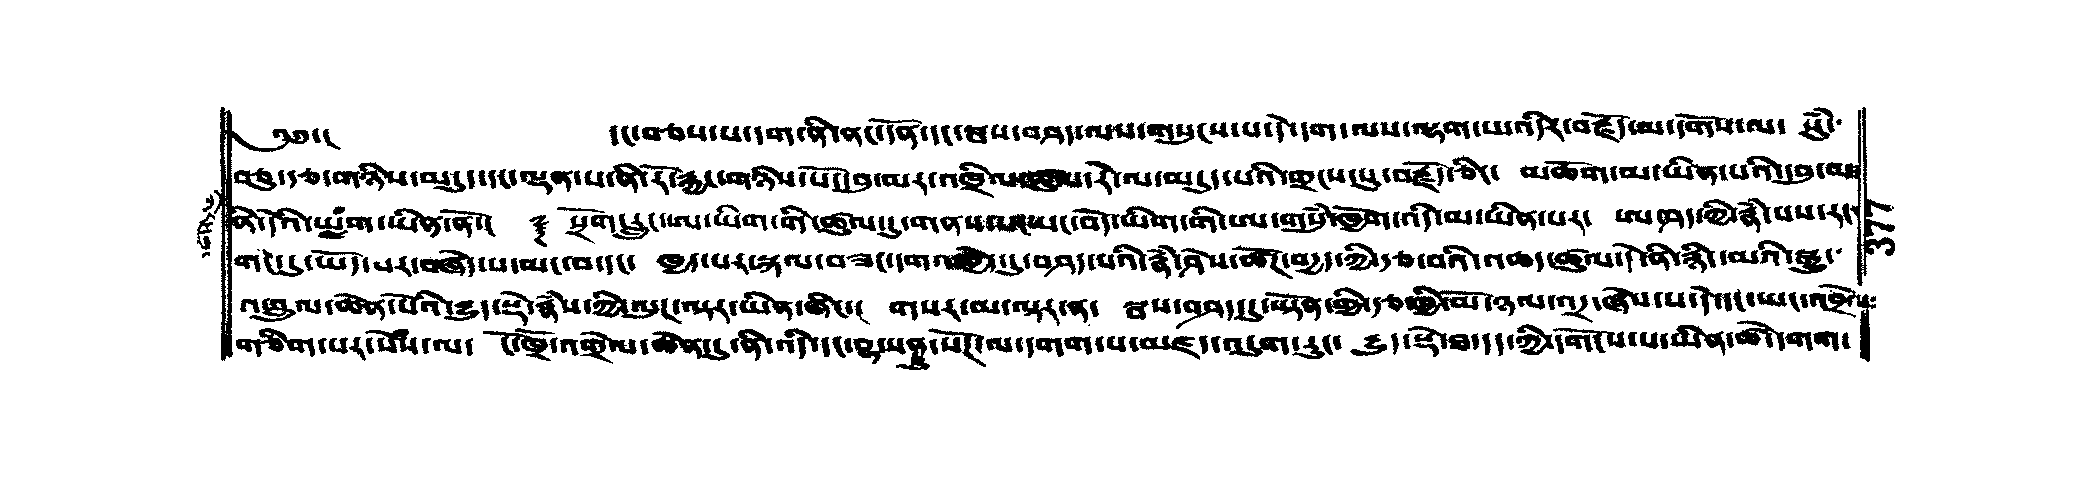དང་བཅས་པ་དག་ནི་ནང་དོན་དང་སྦས་བཤད་ལས་གསུངས་པ་དེ་དག་ལས་ལྷག་པ་འདིར་བརྗོད་མ་དགོས་ལ། སུམ་
བཅུ་རྩ་གཉིས་མདུད་དང་ལྡན་པ་ནི་རོ་རྐྱང་གཉིས་པོ་དབུ་མར་འཁྲིལ་ཚུལ་རེ་ལ་མདུད་པའི་གྲངས་སུ་བརྗོད་ཅིང་།མཆོག་མ་ཡིན་པའི་དབུ་མ་
ནི་དེའི་ཡན་ལག་ཡིན་ནོ། སྲོག་རླུང་ཨ་ཡིག་གི་ཚུལ་དུ་གནས་པ་ཡང་བོད་ཡིག་གི་ཨ་སུམ་ཁྱོག་འདི་མ་ཡིན་པར། ཨ་ཤད་ཀྱི་རྣམ་པས་རང་
གང་དུ་ཡོད་པར་བཞེད་པ་མང་བ་དང་། ཁྱད་པར་སྐལ་བཟང་དགའ་བྱེད་དུ་བཤད་པའི་རྣམ་ཤེས་ཚོགས་བརྒྱད་ཀྱི་རྩ་བའི་འཆད་ཚུལ་དེ་ནི་རྙིང་མའི་སྒྱུ་
འཕྲུལ་ཆེན་པོའི་རྒྱུད་སྡེ་རྣམས་ཀྱི་ལུགས་ལྟར་ཡིན་ཞིང་། གསར་མ་ལྟར་ན། སྦས་བཤད་དུ་ཡོན་ཏན་གྱི་རྩ་ཁྱི་མོ་ཉལ་འདྲ་ཞེས་པ་དེ་དང་ཡང་འབྲེལ་
གཅིག་པར་སེམས་ལ། ངོ་ཁྲོ་འགྲེལ་ཆེན་དུ་ནི་འདི་དང་བྷ་སནྟུ་སོགས་ལ་དགག་པ་མཛད་འདུག་རུང་། རྒྱུད་སྡེ་ཐ་དད་ཀྱི་དགོངས་པ་ཡིན་ཚེ་དགག་